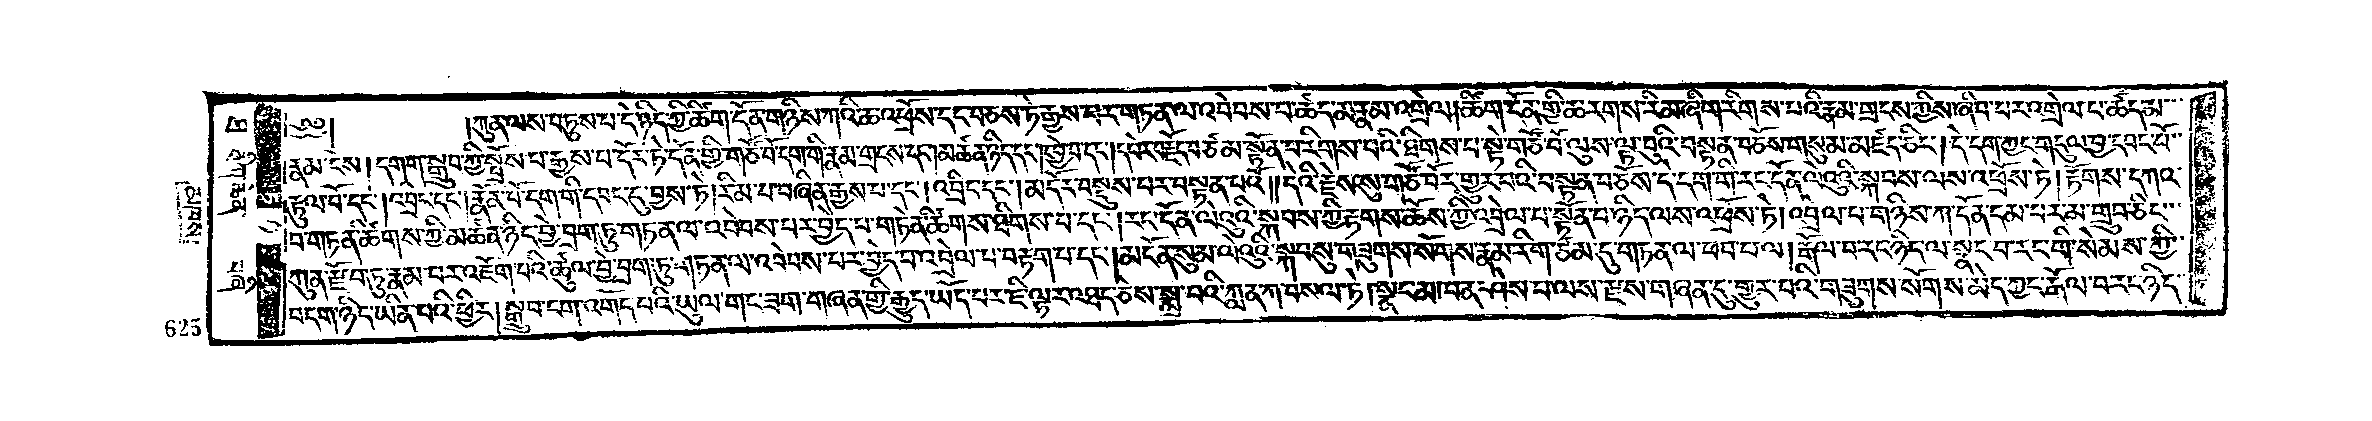༄༅། །ཀུན་ལས་བཏུས་པ་དེ་ཉིད་ཀྱི་ཚིག་དོན་གཉིས་ཀའི་ཆ་འཕྲོས་དང་བཅས་ཏེ་རྒྱས་པར་གཏན་ལ་འབེབས་པ་ཚད་མ་རྣམ་འགྲེལ། ཚིག་དོན་གྱི་ཆ་རགས་རིམ་ཞིག་རིགས་པའི་རྣམ་གྲངས་ཀྱིས་ཞིབ་པར་འགྲེལ་པ་ཚད་མ་
རྣམ་ངེས། དགག་སྒྲུབ་ཀྱི་སྤྲོས་པ་རྒྱས་པ་དོར་ཏེ་དོན་གྱི་གཙོ་བོ་དག་གི་རྣམ་གྲངས་དང་། མཚན་ཉིད་དང་། དབྱེ་བ་དང་། དཔེར་བརྗོད་བཙམ་སྟོན་པ་རིགས་པའི་ཐིགས་པ་སྟེ་གཙོ་བོ་ལུས་ལྟ་བུའི་བསྟན་བཅོས་གསུམ་མཛད་ཅིང་། དེ་དག་ཀྱང་གདུལ་བྱ་དབང་པོ་
རྟུལ་པོ་དང་། འབྲིང་དང་། རྣོན་པོ་དག་གི་དབང་དུ་བྱས་ཏེ། རིམ་པ་བཞིན་རྒྱས་པ་དང་། འབྲིང་དང་། མདོར་བསྡུས་པར་བསྟན་པའོ། །དེའི་རྗེས་སུ་གཙོ་བོར་གྱུར་པའི་བསྟན་བཅོས་དེ་དག་གི་རང་དོན་ལེའུའི་སྐབས་ལས་འཕྲོས་ཏེ། རྟོགས་དཀའ་
བ་གཏན་ཚིགས་ཀྱི་མཚན་ཉིད་བྱེ་བྲག་ཏུ་གཏན་ལ་འབེབས་པར་བྱེད་པ་གཏེན་ཚིགས་ཐིགས་པ་དང་། རང་དོན་ལེའུའི་སྐབས་ཀྱི་རྟགས་ཆོས་ཀྱི་འབྲེལ་པ་སྟོན་པ་ཉིད་ལས་འཕྲོས་ཏེ། འབྲེལ་པ་གཉིས་ཀ་དོན་དམ་པར་མ་གྲུབ་ཅིང་
ཀུན་རྫོབ་ཏུ་རྣམ་པར་འཇོག་པའི་ཚུལ་བྱེ་བྲག་ཏུ་གཏན་ལ་འབེབས་པར་བྱེད་པ་འབྲེལ་པ་བརྟག་པ་དང་། མངོན་སུམ་ལེའུའི་སྐབས་སུ་གཟུགས་སོགས་རྣམ་རིག་ཙམ་དུ་གཏན་ལ་ཕབ་པ་ལ། རྒོལ་བ་རང་ཉིད་ལ་སྣང་བ་རང་གི་སེམས་ཀྱི་
བདག་ཉིད་ཡིན་པའི་ཕྱིར། སྒྲུབ་ངག་འགོད་པའི་ཡུལ་གང་ཟག་གཞན་གྱི་རྒྱུད་ཡོད་པར་ཇི་ལྟར་འཐད་ཅེས་སྨྲ་བའི་ཀླན་ཀ་བསལ་ཏེ། སྣང་མཁན་ཤེས་པ་ལས་རྫས་གཞན་དུ་གྱུར་པའི་གཟུགས་སོགས་མེད་ཀྱང་རྒོལ་བ་རང་ཉིད་